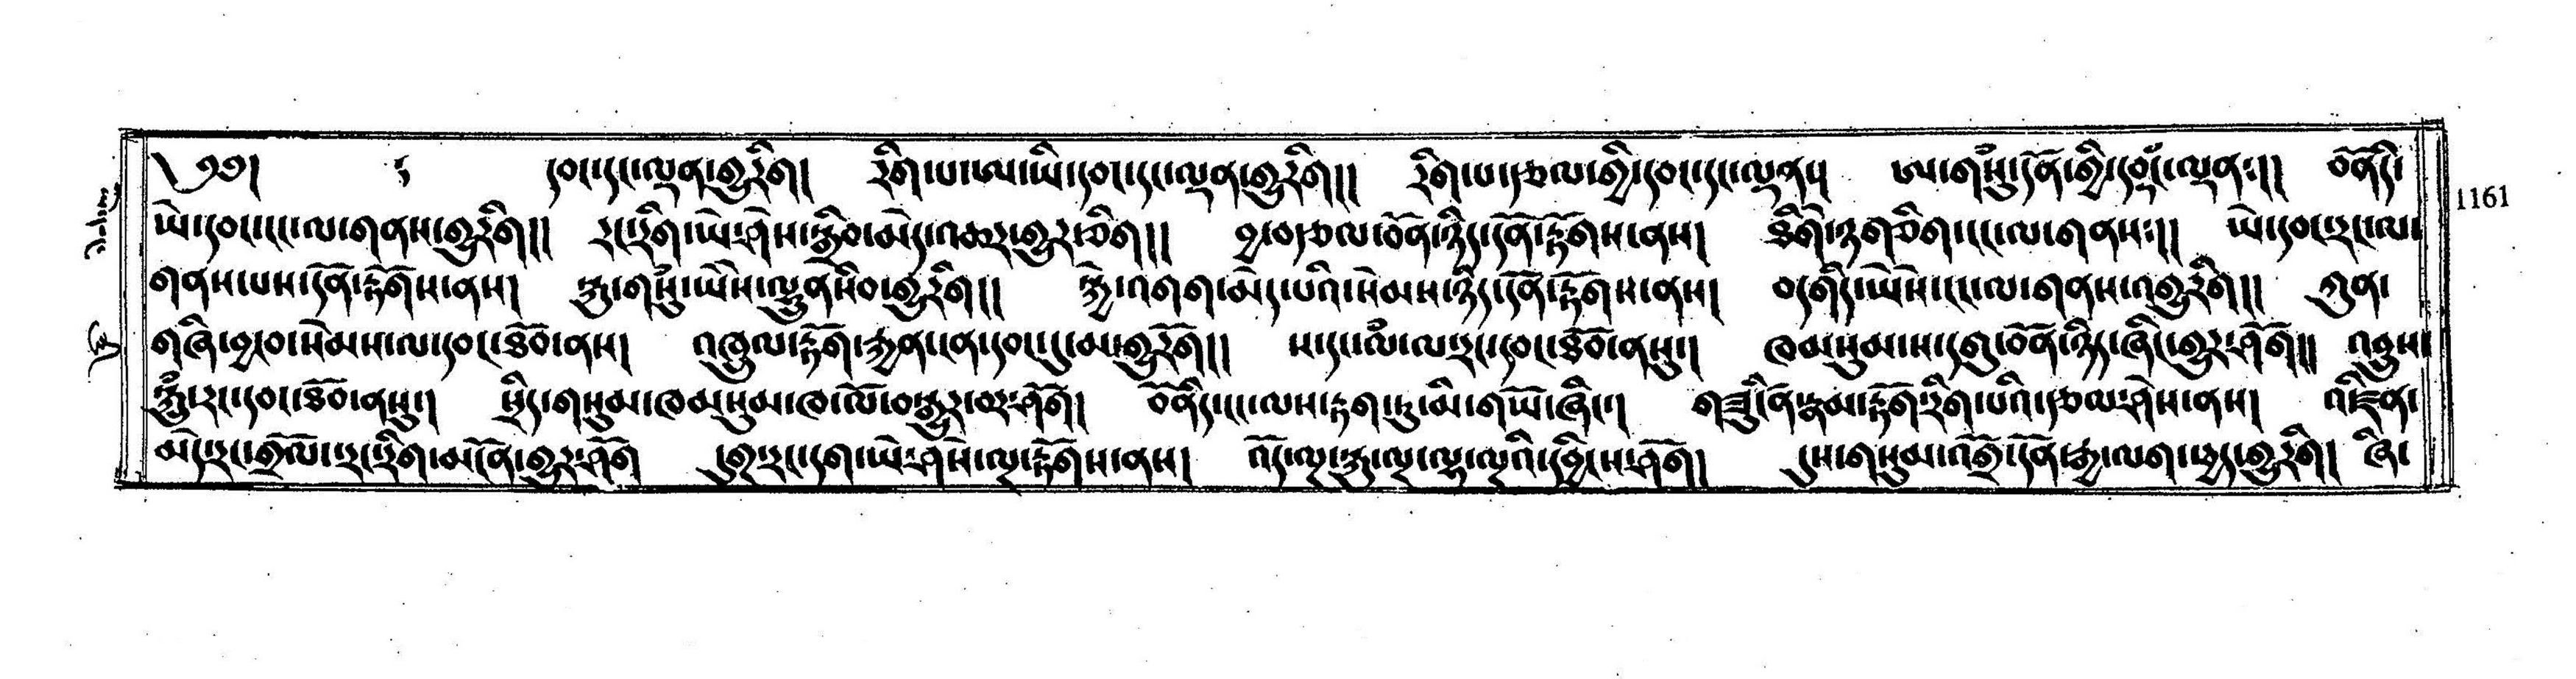དབང་དང་ལྡན་གྱུར་ཅིག རིག་པ་ཨ་ཡི་དབང་དང་ལྡན་གྱུར་ཅིག རིག་པ་རྩལ་གྱི་དབང་དང་ལྡན། ཨ་གསུམ་དོན་གྱི་དབང་དང་ལྡན༴།། བོན་ཉིད་
ཡེ་དབང་ངང་ལ་གནས་གྱུར་ཅིག རང་རིག་ཡེ་ཤེས་སྒྲིབ་མེད་འཆར་གྱུར་ཅིག བྱ་བརྩལ་བོན་ཉིད་དོན་རྟོགས་ནས། ཐིག་ལེ་ཉག་གཅིག་ངང་ལ་གནས༴།། ཡེ་དབང་རང་ལ་
གནས་པས་དོན་རྟོགས་ནས། སྐུ་གསུམ་ཡེ་ཤེས་ལྷུན་གྱིས་གྲུབ་གྱུར་ཅིག སྐྱེ་འགག་མེད་པའི་སེམས་ཉིད་དོན་རྟོགས་ནས། བདག་ཉིད་ཡེ་ཤེས་ངང་ལ་གནས་འགྱུར་ཅིག ཀུན་
གཞི་བྱང་ཆུབ་སེམས་ལ་དབང་ཐོབ་ནས། འཁྲུལ་རྟོག་རྐྱེན་ངན་དབང་དུ་མ་གྱུར་ཤོག ས་དང་ལམ་ལ་རང་དབང་ཐོབ་ནས་སུ། ཁམས་གསུམ་ས་དགུ་བོན་ཉིད་ཞིང་གྱུར་ཤོག འབྲས་
བུ་སྐུ་གསུམ་རང་དབང་ཐོབ་ནས་སུ། སྲིད་གསུམ་ཁམས་གསུམ་ཁ་ལོ་བསྒྱུར་བར་ཤོག བོན་ཉིད་ངང་ལས་རྟག་ཏུ་མི་གཡོ་ཞིང་། གཟུང་འཛིན་རྣམ་རྟོག་རིག་པའི་རྩལ་ཤེས་ནས། འཛིན་
མེད་རང་གྲོལ་རང་རིག་མངོན་གྱུར་ཤོག དུག་ལྔ་རང་དག་ཡེ་ཤེས་ལྔ་རྟོགས་ནས། འོད་ལྔ་སྐུ་ལྔ་ལྷ་ལྔའི་དབྱིངས་༼འཆར༽ཤོག དུས་གསུམ་འགྲོ་དོན་རྒྱ་ལག་ཕྱད་གྱུར་ཅིག ཞི་